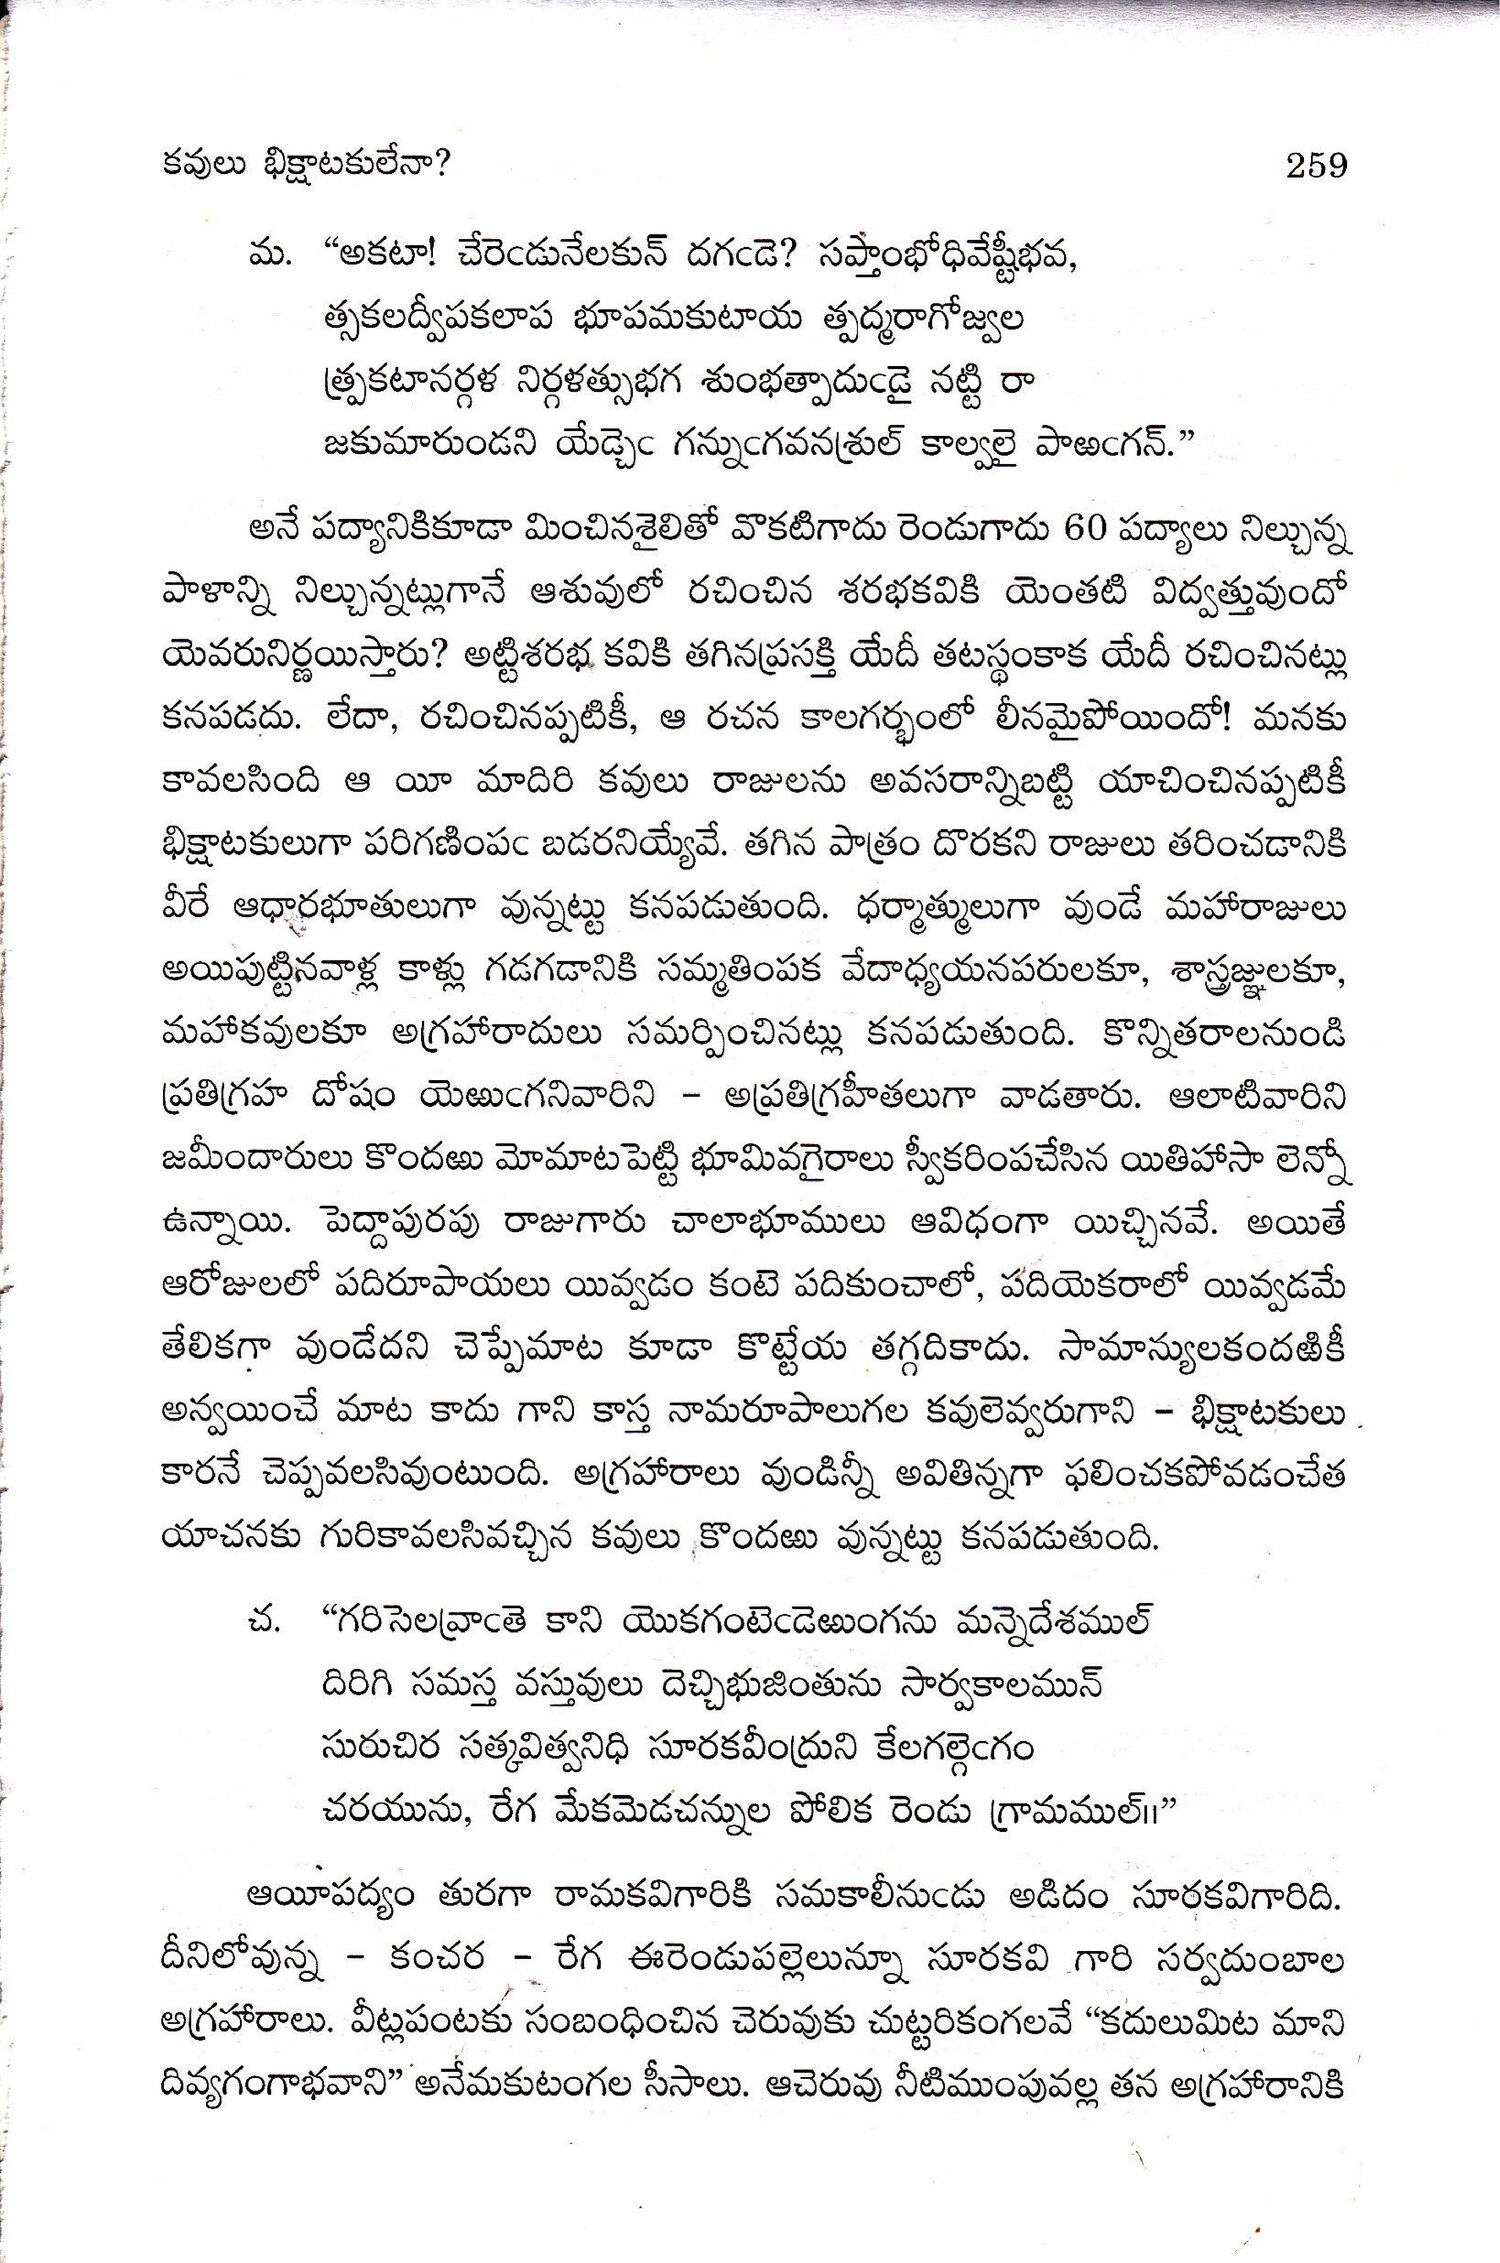మ. “అకటా! చేరెఁడునేలకున్ దగఁడె? సప్తాంభోధివేష్టీభవ,
 త్సకలద్వీపకలాప భూపమకుటాయ త్పద్మరాగోజ్వల 
 త్ర్పకటానర్గళ నిర్గళత్సుభగ శుంభత్పాదుఁడై నట్టి రా 
 జకుమారుండని యేడ్చెఁ గన్నుఁగవనశ్రుల్ కాల్వలై పాఱఁగన్."
అనే పద్యానికికూడా మించినశైలితో వొకటిగాదు రెండుగాదు 60 పద్యాలు నిల్చున్న పాళాన్ని నిల్చున్నట్లుగానే ఆశువులో రచించిన శరభకవికి యెంతటి విద్వత్తువుందో యెవరునిర్ణయిస్తారు? అట్టిశరభ కవికి తగినప్రసక్తి యేదీ తటస్థంకాక యేదీ రచించినట్లు కనపడదు. లేదా, రచించినప్పటికీ, ఆ రచన కాలగర్భంలో లీనమైపోయిందో! మనకు కావలసింది ఆ యీ మాదిరి కవులు రాజులను అవసరాన్నిబట్టి యాచించినప్పటికీ భిక్షాటకులుగా పరిగణింపఁ బడరనియ్యేవే. తగిన పాత్రం దొరకని రాజులు తరించడానికి వీరే ఆధారభూతులుగా వున్నట్టు కనపడుతుంది. ధర్మాత్ములుగా వుండే మహారాజులు అయిపుట్టినవాళ్ల కాళ్లు గడగడానికి సమ్మతింపక వేదాధ్యయనపరులకూ, శాస్త్రజ్ఞులకూ, మహాకవులకూ అగ్రహారాదులు సమర్పించినట్లు కనపడుతుంది. కొన్నితరాలనుండి ప్రతిగ్రహ దోషం యెఱుఁగనివారిని - అప్రతిగ్రహీతలుగా వాడతారు. ఆలాటివారిని జమీందారులు కొందఱు మోమాటపెట్టి భూమివగైరాలు స్వీకరింపచేసిన యితిహాసా లెన్నో ఉన్నాయి. పెద్దాపురపు రాజుగారు చాలాభూములు ఆవిధంగా యిచ్చినవే. అయితే ఆరోజులలో పదిరూపాయలు యివ్వడం కంటె పదికుంచాలో, పదియెకరాలో యివ్వడమే తేలికగా వుండేదని చెప్పేమాట కూడా కొట్టేయ తగ్గదికాదు. సామాన్యులకందఱికీ అన్వయించే మాట కాదు గాని కాస్త నామరూపాలుగల కవులెవ్వరుగాని - భిక్షాటకులు కారనే చెప్పవలసివుంటుంది. అగ్రహారాలు వుండిన్నీ అవితిన్నగా ఫలించకపోవడంచేత యాచనకు గురికావలసివచ్చిన కవులు కొందఱు వున్నట్టు కనపడుతుంది.

చ. “గరిసెలవ్రాఁతె కాని యొకగంటెఁడెఱుంగను మన్నెదేశముల్
 దిరిగి సమస్త వస్తువులు దెచ్చిభుజింతును సార్వకాలమున్ 
 సురుచిర సత్కవిత్వనిధి సూరకవీంద్రుని కేలగల్గెఁగం 
 చరయును, రేగ మేకమెడచన్నుల పోలిక రెండు గ్రామముల్"
ఆయీపద్యం తురగా రామకవిగారికి సమకాలీనుఁడు అడిదం సూరకవిగారిది. దీనిలోవున్న - కంచర – రేగ ఈరెండుపల్లెలున్నూ సూరకవి గారి సర్వదుంబాల అగ్రహారాలు. వీట్లపంటకు సంబంధించిన చెరువుకు చుట్టరికంగలవే “కదులుమిట మాని దివ్యగంగాభవాని" అనేమకుటంగల సీసాలు. ఆచెరువు నీటిముంపువల్ల తన అగ్రహారానికి